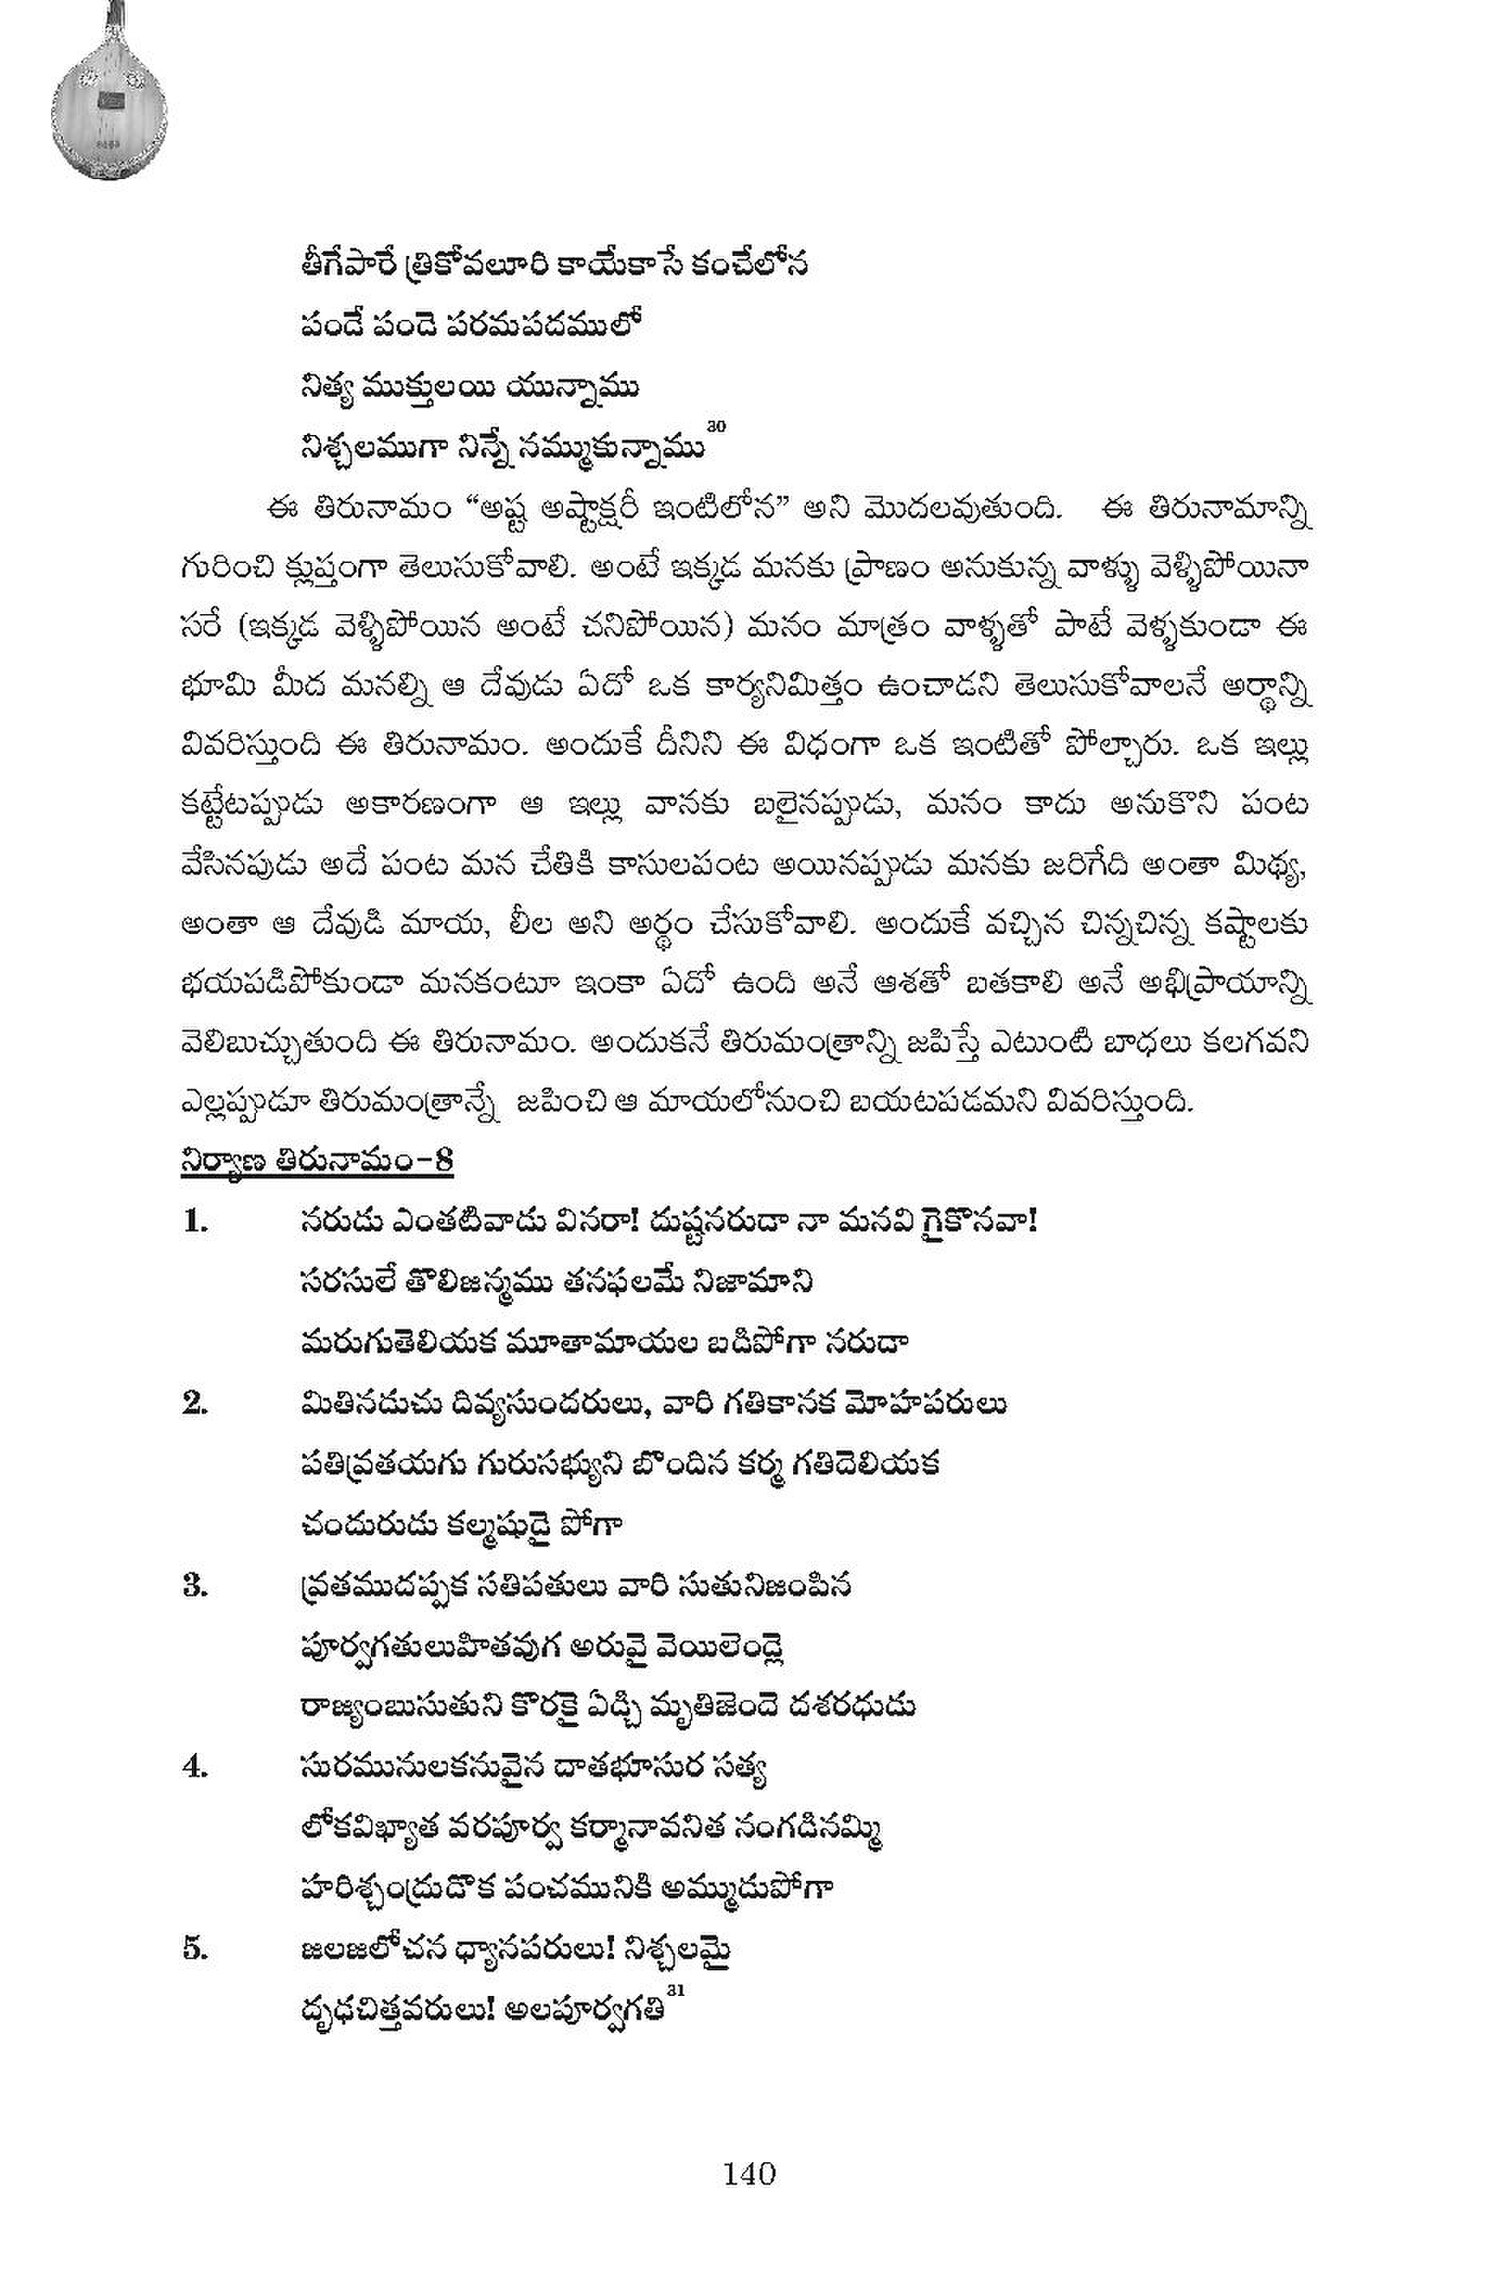తీగేపారే త్రికోవలూరి కాయేకాసే కంచేలోన
పండే పండె పరమపదములో
నిత్య ముక్తులయి యున్నాము
నిశ్చలముగా నిన్నే నమ్ముకున్నాము30

ఈ తిరునామం "అష్ట అష్టాక్షరీ ఇంటిలోన" అని మొదలవుతుంది. ఈ తిరునామాన్ని గురించి క్లుప్తంగా తెలుసుకోవాలి. అంటే ఇక్కడ మనకు ప్రాణం అనుకున్న వాళ్ళు వెళ్ళిపోయినా సరే (ఇక్కడ వెళ్ళిపోయిన అంటే చనిపోయిన) మనం మాత్రం వాళ్ళతో పాటే వెళ్ళకుండా ఈ భూమి మీద మనల్ని ఆ దేవుడు ఏదో ఒక కార్యనిమిత్తం ఉంచాడని తెలుసుకోవాలనే అర్థాన్ని వివరిస్తుంది ఈ తిరునామం. అందుకే దీనిని ఈ విధంగా ఒక ఇంటితో పోల్చారు. ఒక ఇల్లు కట్టేటప్పుడు అకారణంగా ఆ ఇల్లు వానకు బలైనప్పుడు, మనం కాదు అనుకొని పంట వేసినపుడు అదే పంట మన చేతికి కాసులపంట అయినప్పుడు మనకు జరిగేది అంతా మిథ్య, అంతా ఆ దేవుడి మాయ, లీల అని అర్థం చేసుకోవాలి. అందుకే వచ్చిన చిన్నచిన్న కష్టాలకు భయపడిపోకుండా మనకంటూ ఇంకా ఏదో ఉంది అనే ఆశతో బతకాలి అనే అభిప్రాయాన్ని
వెలిబుచ్చుతుంది ఈ తిరునామం. అందుకనే తిరుమంత్రాన్ని జపిస్తే ఎటుంటి బాధలు కలగవని ఎల్లప్పుడూ తిరుమంత్రాన్నే జపించి ఆ మాయలోనుంచి బయటపడమని వివరిస్తుంది.

నిర్వాణ తిరునామం-8

1. నరుడు ఎంతటివాడు వినరా! దుష్టనరుదా నా మనవి గైకొనవా!
సరసులే తొలిజన్మము తనఫలమే నిజామాని
మరుగుతెలియక మూతామాయల బడిపోగా నరుడా

2. మితినడుచు దివ్యసుందరులు, వారి గతికానక మోహపరులు
పతివ్రతయగు గురుసభ్యుని బొందిన కర్మ గతిదెలియక
చందురుడు కల్మషుడై పోగా

3.వ్రతముదప్పక సతిపతులు వారి సుతునిజంపిన
పూర్వగతులుహితవుగ అరువై వెయిలెండ్లి
రాజ్యంబుసుతుని కొరకై ఏడ్చి మృతిజెందె దశరధుడు

4. సురమునులకనువైన దాతభూసుర సత్య
లోకవిఖ్యాత వరపూర్వ కర్మానావనిత నంగడినమ్మి
హరిశ్చంద్రుడొక పంచమునికి అమ్ముడుపోగా

5. జలజలోచన ధ్యానపరులు! నిశ్చలమై
దృఢచిత్తవరులు! అలపూర్వగతి31